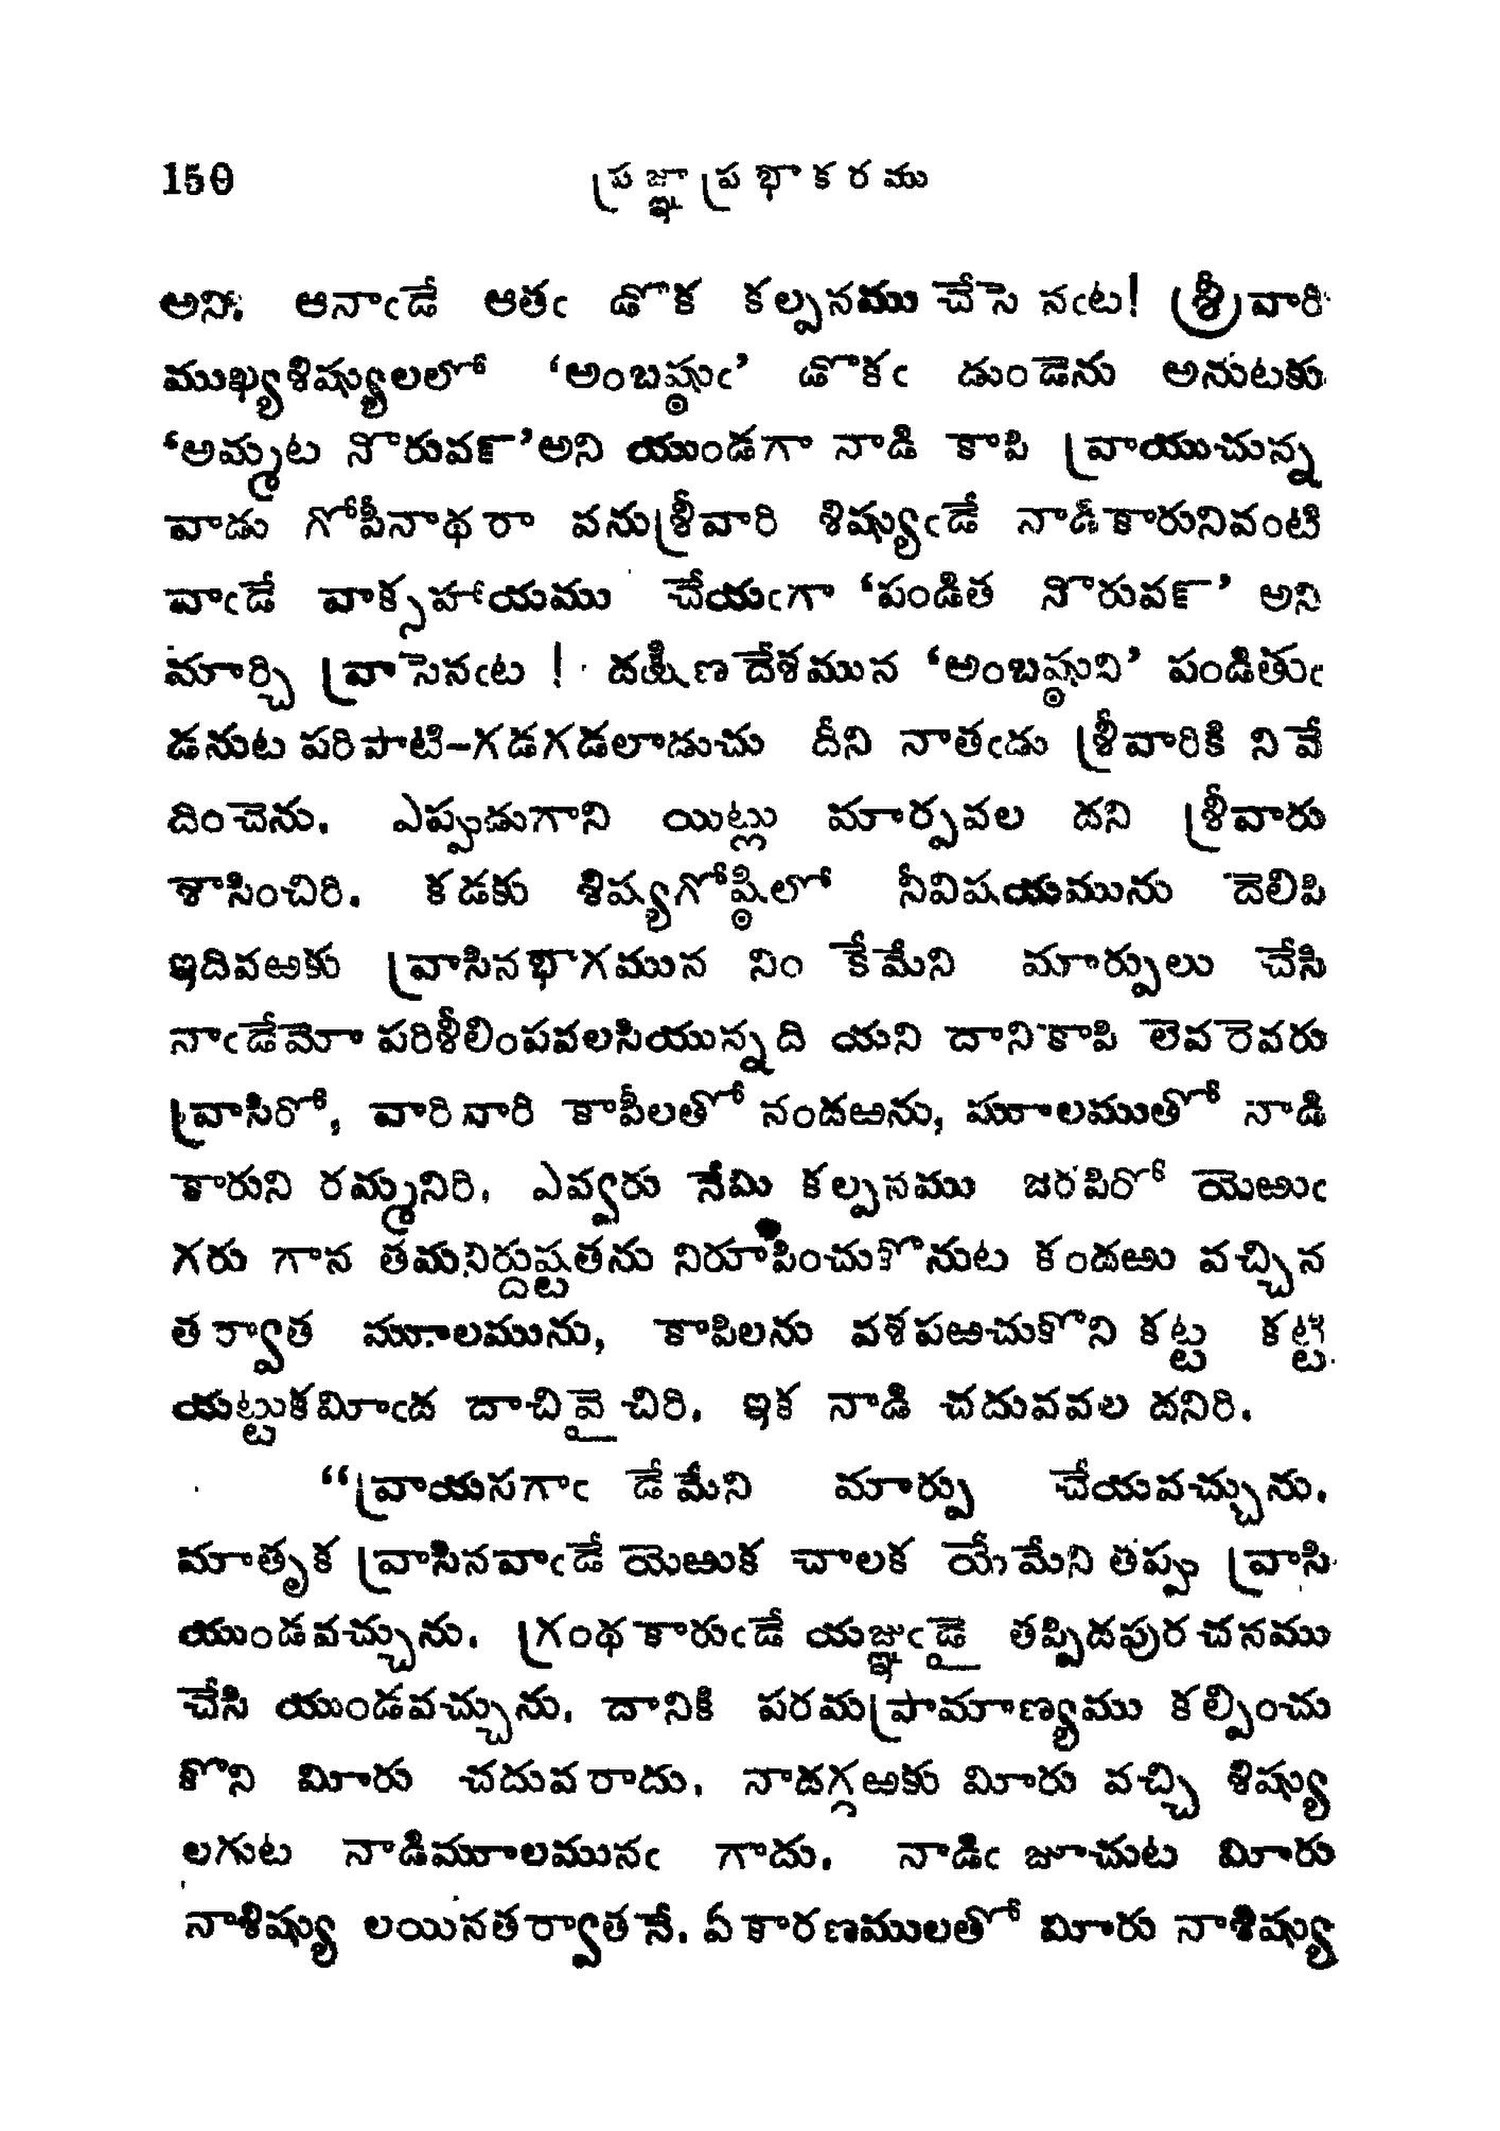అని. ఆనాఁడే ఆతఁడొక కల్పనము చేసెనఁట! శ్రీవారి ముఖ్యశిష్యులలో 'అంబష్టుఁ' డొకఁ డుండెను అనుటకు ' అమ్మట నొరువన్' అని యుండగా నాడి కాపి వ్రాయుచున్న వాడు గోపీనాధ రావను శ్రీవారి శిశ్యుఁడే నాడి కారునివంటి వాఁడే వాక్సహయము చేయఁగా ' పండిత నొరువన్ ' అని మార్చి వ్రాసెనఁట! దక్షిణదేశమున ' అంబష్టుని' పండితుఁడనుట పరిపాటి- గడగడలాడుచు దీని నాతఁడు శ్రీవారికి నివేదించెను. ఎప్పుడుగాని యిట్లు మార్పవల దని శ్రీవారు శాసించిరి. కడకు శిష్యగోష్ఠిలో నీ విషయమును దెలిపి ఇదివఱకు వ్రాసిన భాగమున నిం కే మేని మార్పులు చేసినాఁ డేమో పరిశీలిం పవలసియున్నది యని దాని కాపి లెవరెవరు వ్రాసిరో, వారివారి కాపీలతో నందఱను, మూలముతో నాడి కారుని రమ్మనిరి. ఎవ్వరు నేమి కల్పనము జరపిరో యెఱుఁగరు గాన తమ నిర్దుష్టతను నిరూపించుకొనుట కందఱు వచ్చిన తర్వాత మూలమును, కాపిలను వశపఱచుకొని కట్టికట్టి యట్టుక మీద దాచి వైచిరి. ఇక నాడీ చదువవల దనిరి.

 "వ్రాయసగాఁ డేమేని మార్పు చేయవచ్చును. మాతృక వ్రాసిన వాఁడే యెఱుక చాలక యేమేని తప్పు వ్రాసియుండ వచ్చును. గ్రంధ కారుఁడే యజ్ఞఁ డై తప్పిదపు రచనము చేసియుండవచ్చును. దానికి పరమప్రామాణ్యము కల్పించుకొని మీరు చదువ రాదు. నాదగ్గఱకు మీరు వచ్చి శిష్యులగుట నాడి మూలమునఁ గాదు. నాడిఁ జూచుట మీరు నా శిష్యులయినతర్వాత నే. ఏ కారణములతో మీరు నాశిష్యు